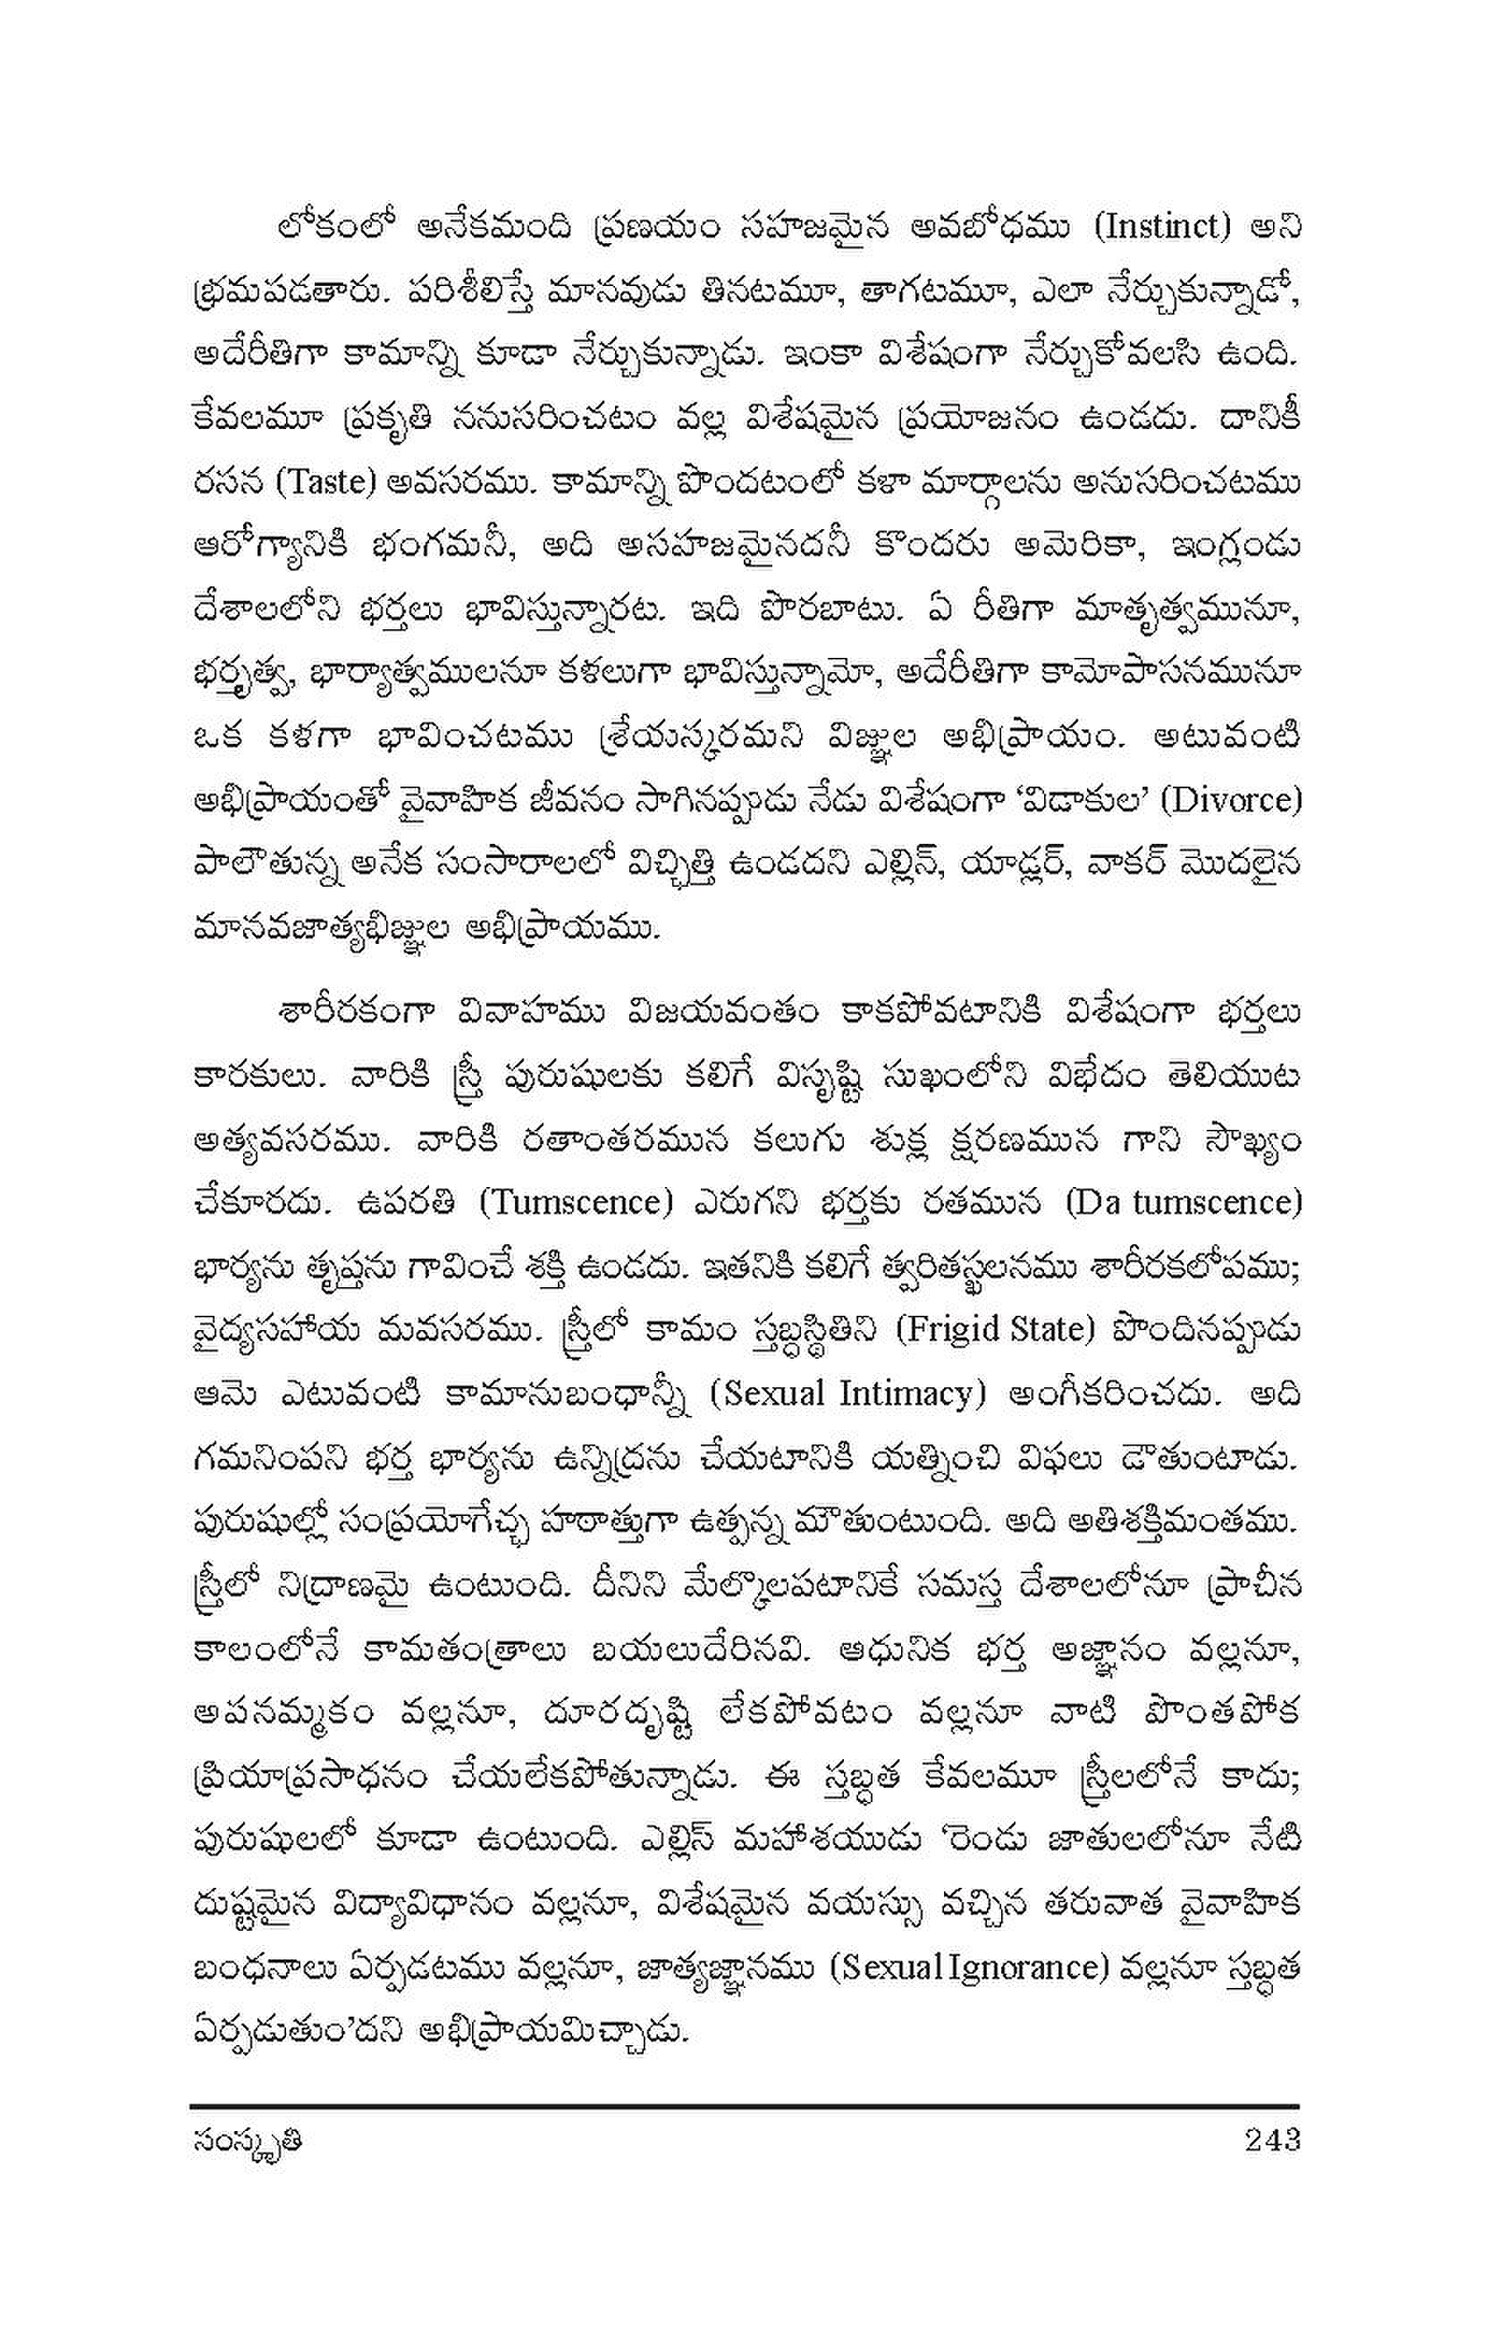లోకంలో అనేకమంది ప్రణయం సహజమైన అవబోధము (Instinct) అని
భ్రమపడతారు. పరిశీలిస్తే మానవుడు తినటమూ, తాగటమూ, ఎలా నేర్చుకున్నాడో,
అదేరీతిగా కామాన్ని కూడా నేర్చుకున్నాడు. ఇంకా విశేషంగా నేర్చుకోవలసి ఉంది.
కేవలమూ ప్రకృతి ననుసరించటం వల్ల విశేషమైన ప్రయోజనం ఉండదు. దానికీ
రసన (Taste) అవసరము. కామాన్ని పొందటంలో కళా మార్గాలను అనుసరించటము
ఆరోగ్యానికి భంగమనీ, అది అసహజమైనదనీ కొందరు అమెరికా, ఇంగ్లండు
దేశాలలోని భర్తలు భావిస్తున్నారట. ఇది పొరబాటు. ఏ రీతిగా మాతృత్వమునూ,
భర్తృత్వ, భార్యాత్వములనూ కళలుగా భావిస్తున్నామో, అదేరీతిగా కామోపాసనమునూ
ఒక కళగా భావించటము శ్రేయస్కరమని విజ్ఞుల అభిప్రాయం. అటువంటి
అభిప్రాయంతో వైవాహిక జీవనం సాగినప్పుడు నేడు విశేషంగా 'విడాకుల' (Divorce)
పాలౌతున్న అనేక సంసారాలలో విచ్ఛిత్తి ఉండదని ఎల్లిన్, యాడ్లర్, వాకర్ మొదలైన
మానవజాత్యభిజ్ఞుల అభిప్రాయము.

శారీరకంగా వివాహము విజయవంతం కాకపోవటానికి విశేషంగా భర్తలు
కారకులు. వారికి స్త్రీ పురుషులకు కలిగే విసృష్టి సుఖంలోని విభేదం తెలియుట
అత్యవసరము. వారికి రతాంతరమున కలుగు శుక్ల క్షరణమున గాని సౌఖ్యం
చేకూరదు. ఉపరతి (Tumscence) ఎరుగని భర్తకు రతమున (Da tumscence)
భార్యను తృప్తను గావించే శక్తి ఉండదు. ఇతనికి కలిగే త్వరితస్థలనము శారీరకలోపము;
వైద్యసహాయ మవసరము. స్త్రీలో కామం స్తబ్ధస్థితిని (Frigid State) పొందినప్పుడు
ఆమె ఎటువంటి కామానుబంధాన్నీ (Sexual Intimacy) అంగీకరించదు. అది
గమనింపని భర్త భార్యను ఉన్నిద్రను చేయటానికి యత్నించి విఫలు డౌతుంటాడు.
పురుషుల్లో సంప్రయోగేచ్ఛ హఠాత్తుగా ఉత్పన్న మౌతుంటుంది. అది అతిశక్తిమంతము.
స్త్రీలో నిద్రాణమై ఉంటుంది. దీనిని మేల్కొలపటానికే సమస్త దేశాలలోనూ ప్రాచీన
కాలంలోనే కామతంత్రాలు బయలుదేరినవి. ఆధునిక భర్త అజ్ఞానం వల్లనూ,
అపనమ్మకం వల్లనూ, దూరదృష్టి లేకపోవటం వల్లనూ వాటి పొంతపోక
ప్రియాప్రసాధనం చేయలేకపోతున్నాడు. ఈ స్తబ్ధత కేవలమూ స్త్రీలలోనే కాదు;
పురుషులలో కూడా ఉంటుంది. ఎల్లిస్ మహాశయుడు 'రెండు జాతులలోనూ నేటి
దుష్టమైన విద్యావిధానం వల్లనూ, విశేషమైన వయస్సు వచ్చిన తరువాత వైవాహిక
బంధనాలు ఏర్పడటము వల్లనూ, జాత్యజ్ఞానము (SexualIgnorance) వల్లనూ స్తబ్ధత
ఏర్పడుతుందని అభిప్రాయమిచ్చాడు.